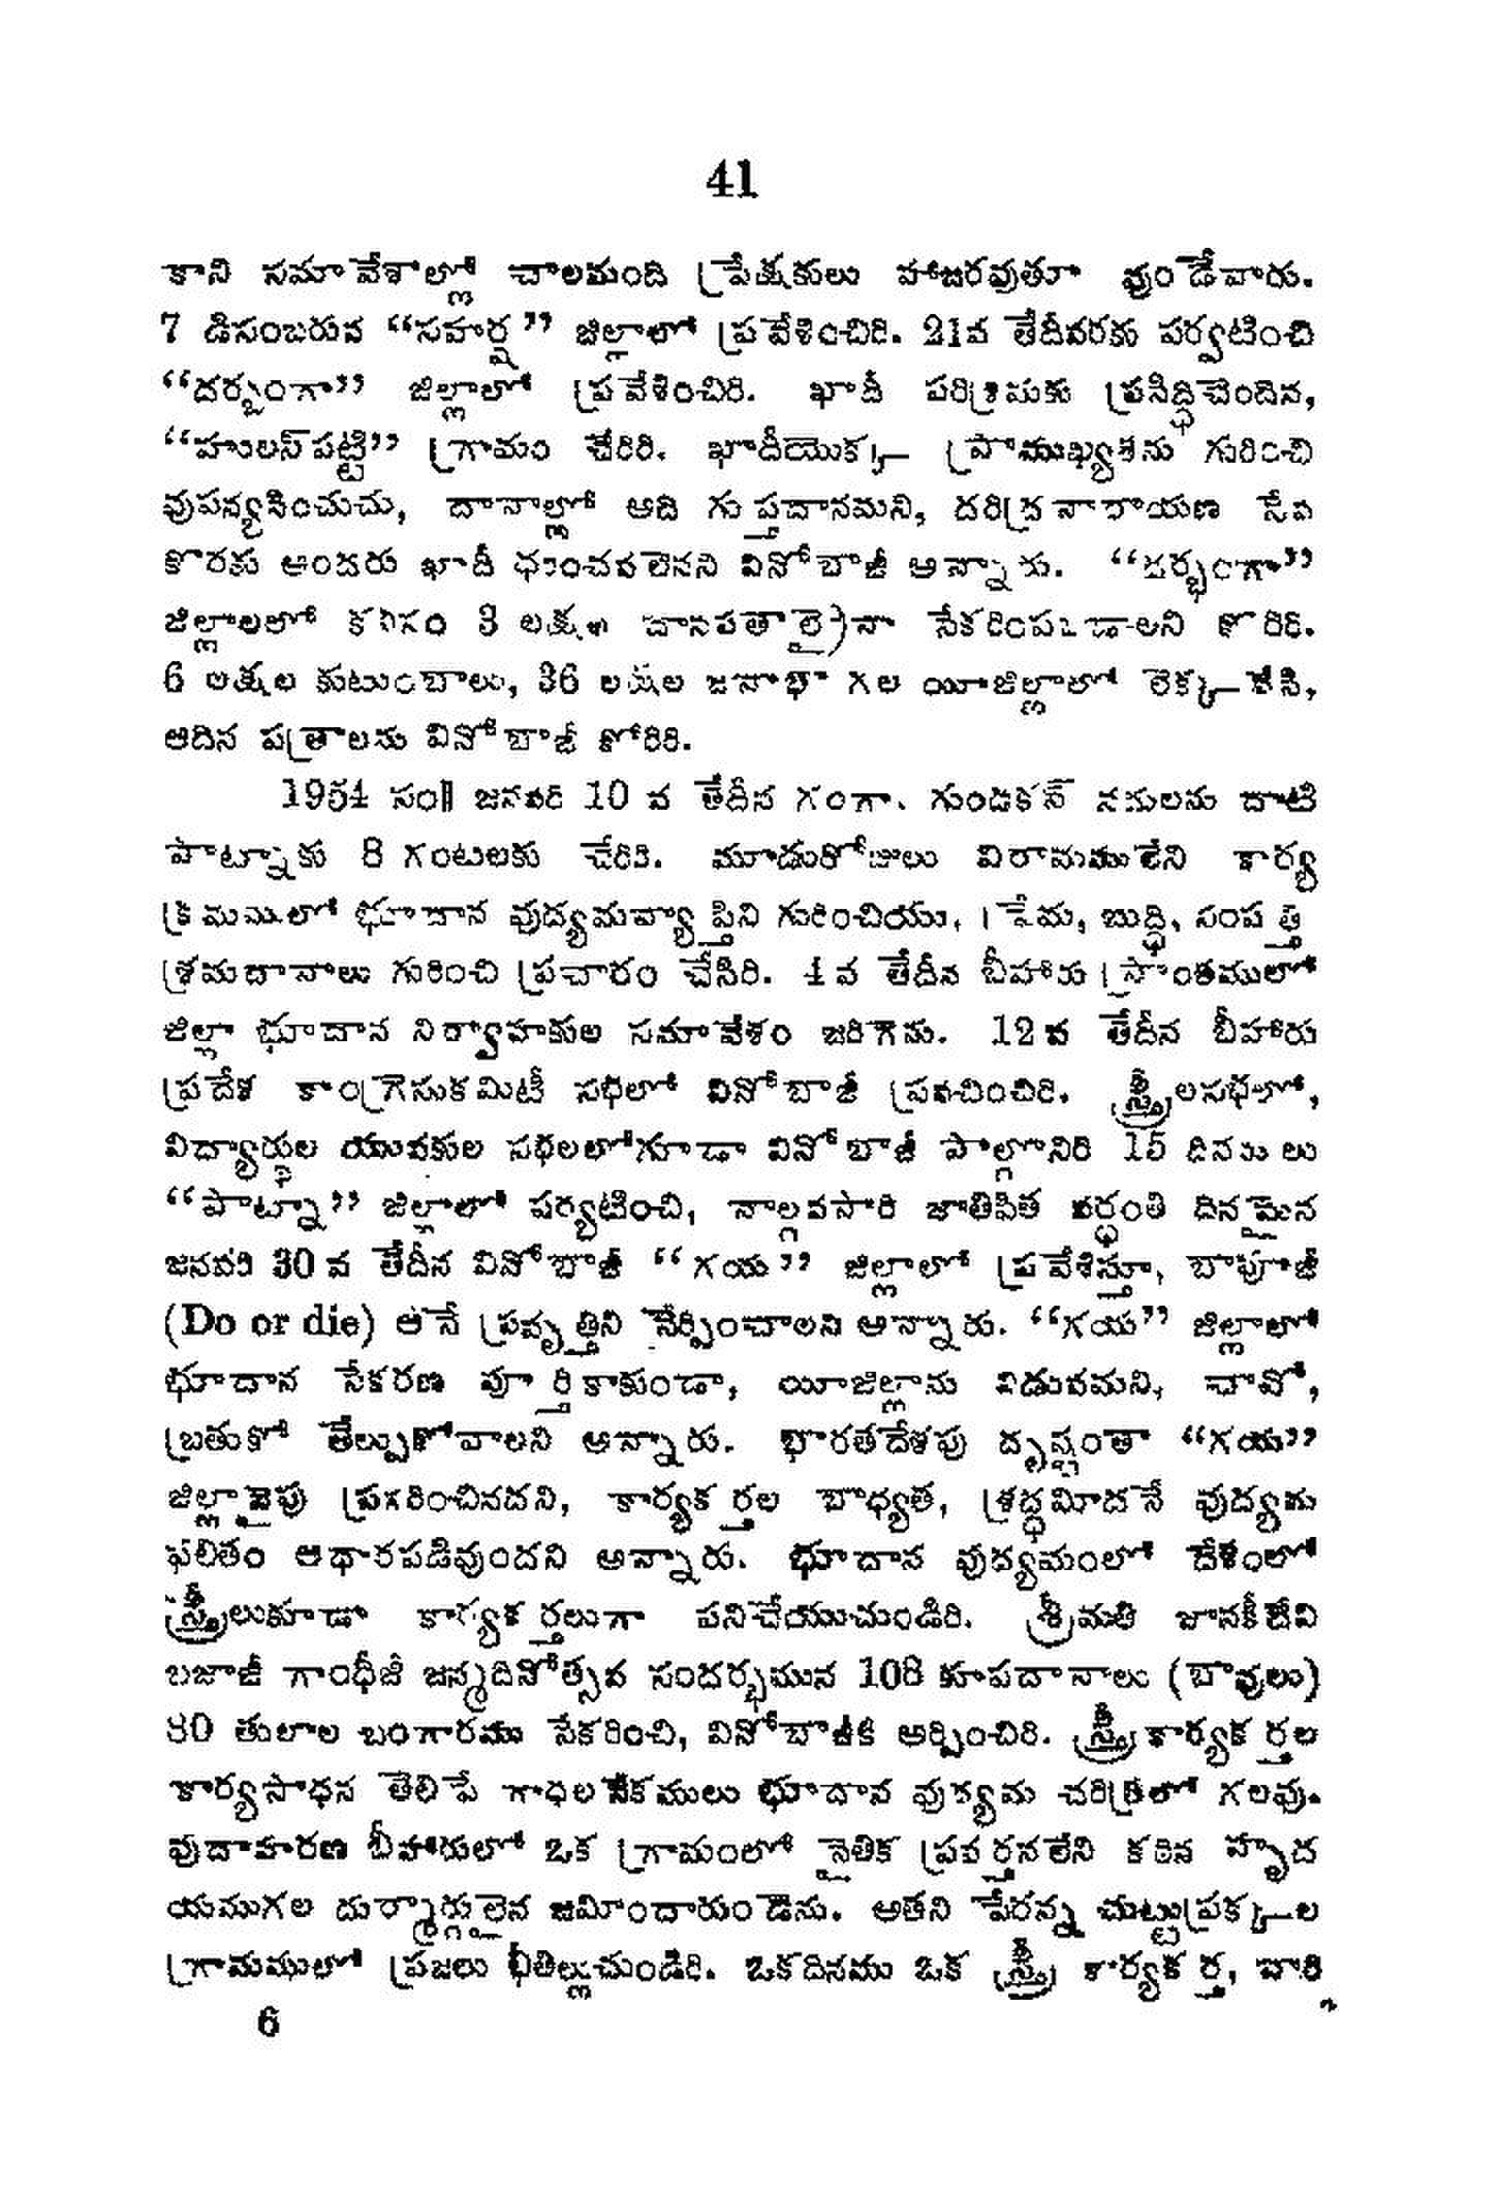కాని సమావేశాల్లో చాలమంది ప్రేక్షకులు హాజరవుతూ వుండేవారు. 7 డిసంబరున "సహర్ష" జిల్లాలో ప్రవేశించిరి. 21 వ తేదీవరకు పర్వటించి “దర్భంగా" జిల్లాలో ప్రవేశించిరి. ఖాదీ పరిశ్రమకు ప్రసిద్ధిచెందిన, “హులస్ పట్టి” (గ్రామం చేరిరి. ఖాదీయొక్క ప్రాముఖ్యతను గురించి వుపన్యసించుచు, దానాల్లో ఆది గుప్తదానమని, దరిద్రనారాయణ సేవకొరకు అందరు ఖాదీ ధరించవలెనని వినోబాజీ అన్నారు. "దర్భంగా" జిల్లాలలో కనిసం 3 లక్షల దానపత్రాలైనా సేకరింపబడాలని కోరిరి. 6 లక్షల కుటుంబాలు, 36 లక్షల జనాభాగల యీజిల్లాలో లెక్కవేసి, ఆదిన పత్రాలను వినోబాజీ గోరిరి.

1954 సం|| జనబరి 10వ తేదీన గంగా, గుండకన్ నదులను దాటి పాట్నాకు 8 గంటలకు చేరిరి. మూడురోజులు విరామములేని కార్యక్రమములో భూదాన వుద్యమవ్యాప్తిని గురించియు, ప్రేమ, బుద్ధి, సంపత్తి శ్రమదానాలు గురించి ప్రచారం చేసిరి. 4 వ తేదీన బీహారు ప్రాంతములో జిల్లా భూదాన నిర్వాహకుల సమావేశం జరిగెను. 12వ తేదీన బీహారు ప్రదేశ కాంగ్రెసుకమిటీ సభలో వినోబాజీ ప్రవచించిరి. స్త్రీలసభలో, విద్యార్థుల యువకుల సభలలోగూడా వినోబాజీ పాల్గొనిరి 15 దినములు "పాట్నా" జిల్లాలో పర్యటించి, నాల్గవసారి జాతిపిత వర్ధంతి దినమైన జనవరి 30 వ తేదీన వినోబాజీ "గయ" జిల్లాలో ప్రవేశిస్తూ, బాపూజీ (Do or die) అనే ప్రవృత్తిని నేర్పించాలని అన్నారు. "గయ" జిల్లాలో భూదాన సేకరణ పూర్తికాకుండా, యీజిల్లాను విడువమని, చావో, బ్రతుకో తేల్చుకోవాలని అన్నారు. భారతదేశపు దృష్టంతా "గయ" జిల్లావైపు ప్రసరించినదని, కార్యకర్తల బాధ్యత, శ్రద్ధమీదనే వుద్యమ ఫలితం ఆధారపడివుందని అన్నారు. భూదాన వుద్యమంలో దేశంలో
స్త్రీలుకూడు కార్యకర్తలుగా పనిచేయుచుండిరి. శ్రీమతి జానకీదేవి బజాజీ గాంధీజీ జన్మదినోత్సవ సందర్భమున 108 కూపదానాలు (బావులు) 80 తులాల బంగారము సేకరించి, వినోబాజీకి అర్పించిరి. స్త్రీ కార్యకర్తల కార్యసాధన తెలిపే గాధలనేకములు భూదాన వుద్యమ చరిత్రలో గలవు. వుదాహరణ బీహారులో ఒక గ్రామంలో నైతిక ప్రవర్తనలేని కఠిన హృదయముగల దుర్మార్గులైన జమీందారుండెను. అతని పేరన్న చుట్టుప్రక్కల గ్రామములో ప్రజలు భీతిల్లుచుండిరి. ఒకదినము ఒక స్త్రీ కార్యకర్త, వారి